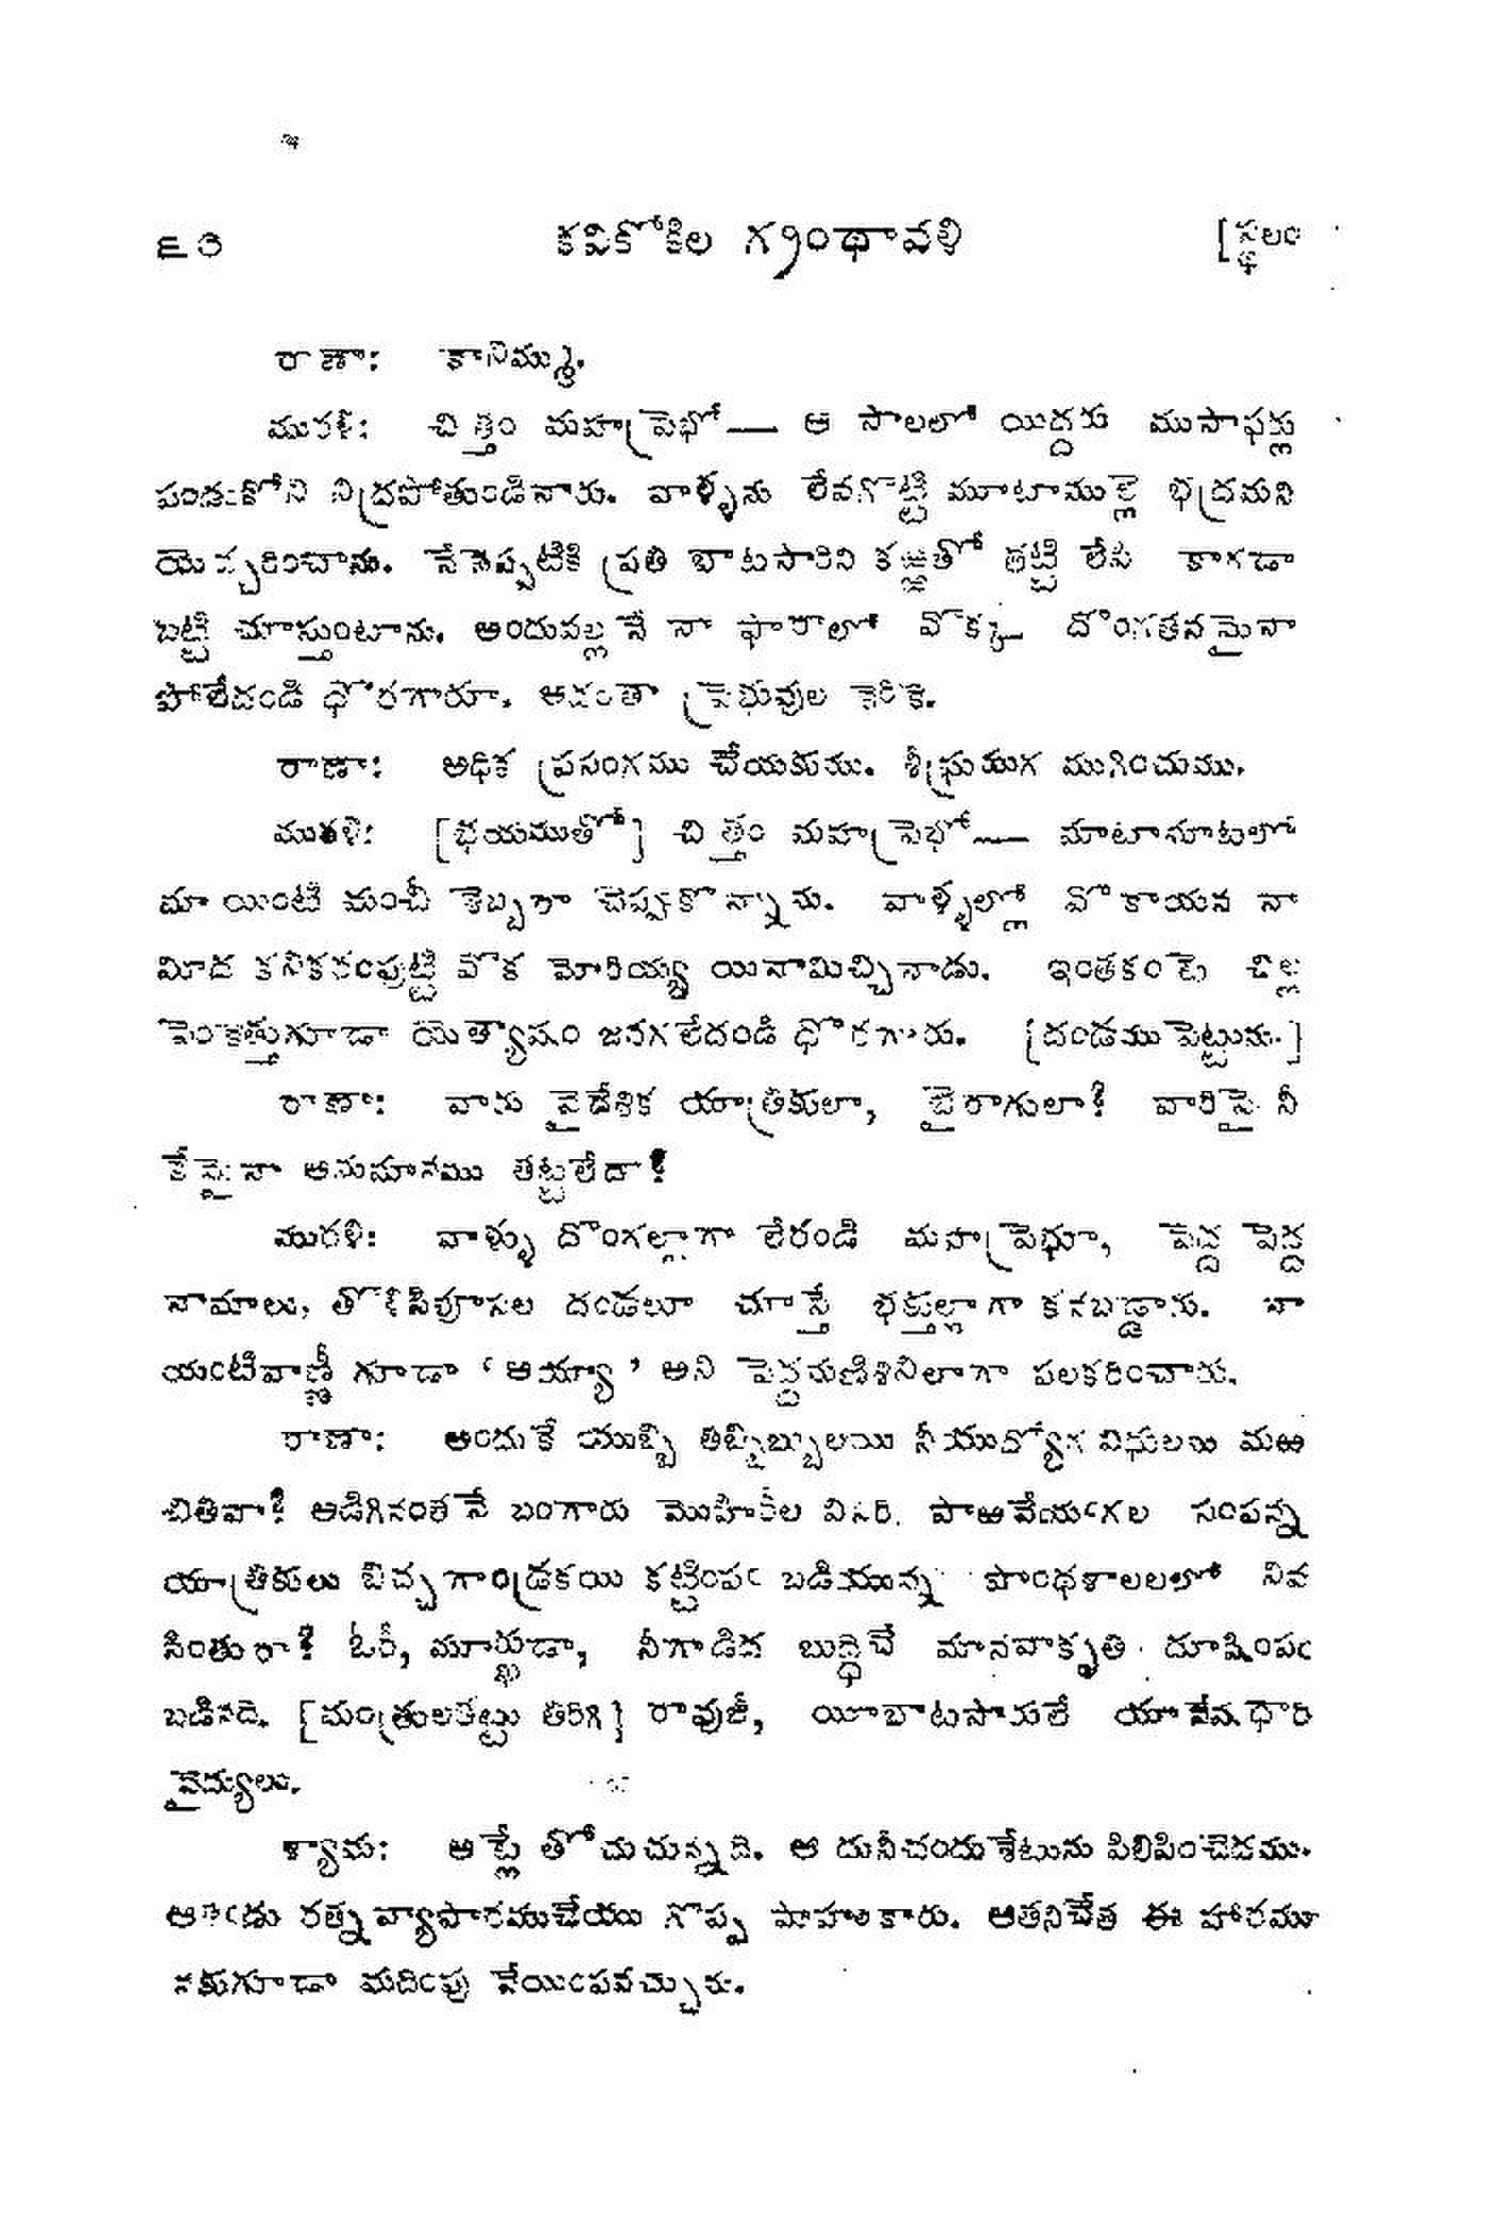రాణా : కానిమ్ము.

మురళి : చిత్తం మహప్రెభో - ఆ సాలలో యిద్దరు ముసాఫర్లు పండుకోని నిద్రపోతుండినారు. వాళ్ళను లేవగొట్టి మూటాముల్లె భద్రమని యెచ్చరించాను. నేనెప్పటికి ప్రతి బాటసారిని కఱ్ఱతో తట్టి లేపి కాగడా బట్టి చూస్తుంటాను. అందువల్లనే నా ఫారాలో వొక్క దొంగతనమైనా పోలేదండి ధొరగారూ. అదంతా ప్రెభువుల కెరికె.

రాణా : అధిక ప్రసంగము చేయకుము. శీఘ్రముగ ముగించుము.

మురళి : [భయముతో] చిత్తం మహప్రెభో - మాటామాటలో మా యింటి మంచీ శెబ్బరా చెప్పుకొన్నాను. వాళ్ళల్లో నొకాయన నామీద కనికరంపుట్టి వొక మోరియ్య యినామిచ్చినాడు. ఇంతకంటె చిల్ల పెంకెత్తుగూడా యెత్యాషం జరగలేదండి ధొరగారు. [దండము పెట్టును.]

రాణా : వారు వైదేశిక యాత్రికులా, బైరాగులా ? వారిపై నీ కేమైనా అనుమానము తట్టలేదా?

మురళి : వాళ్ళు దొంగల్లాగా లేరండి మహప్రెభూ, పెద్ద పెద్ద నామాలు, తొళిసిపూసల దండలూ చూస్తే భక్తుల్లాగా కనబడ్డారు. నా యంటివాణ్ణీ గూడా 'అయ్యా' అని పెద్దమణిశినిలాగా పలకరించారు.

రాణా : అందుకే యుబ్బి తబ్బిబ్బులయి నీయుద్యోగ విధులను మఱచితివా ? అడిగినంతనే బంగారు మొహిరీల విసరి పాఱవేయఁగల సంపన్న యాత్రికులు బిచ్చ గాండ్రకయి కట్టింపఁ బడియున్న పాంథశాలలలో నివసింతురా ? ఓరీ, మూర్ఖుడా, నీగాడిద బుద్ధిచే మానవాకృతి దూషింపఁబడినది. [మంత్రులతట్టు తిరిగి] రావుజీ, యీబాటసారులే యావేషధారి వైద్యులు.

శ్యామ : అట్లే తోచుచున్నది. ఆ దునీచందుశేటును పిలిపించెదము. ఆతఁడు రత్న వ్యాపారముచేయు గొప్ప షాహుకారు. అతనిచేత ఈ హారమునకుగూడా మదింపు వేయింపవచ్చును.